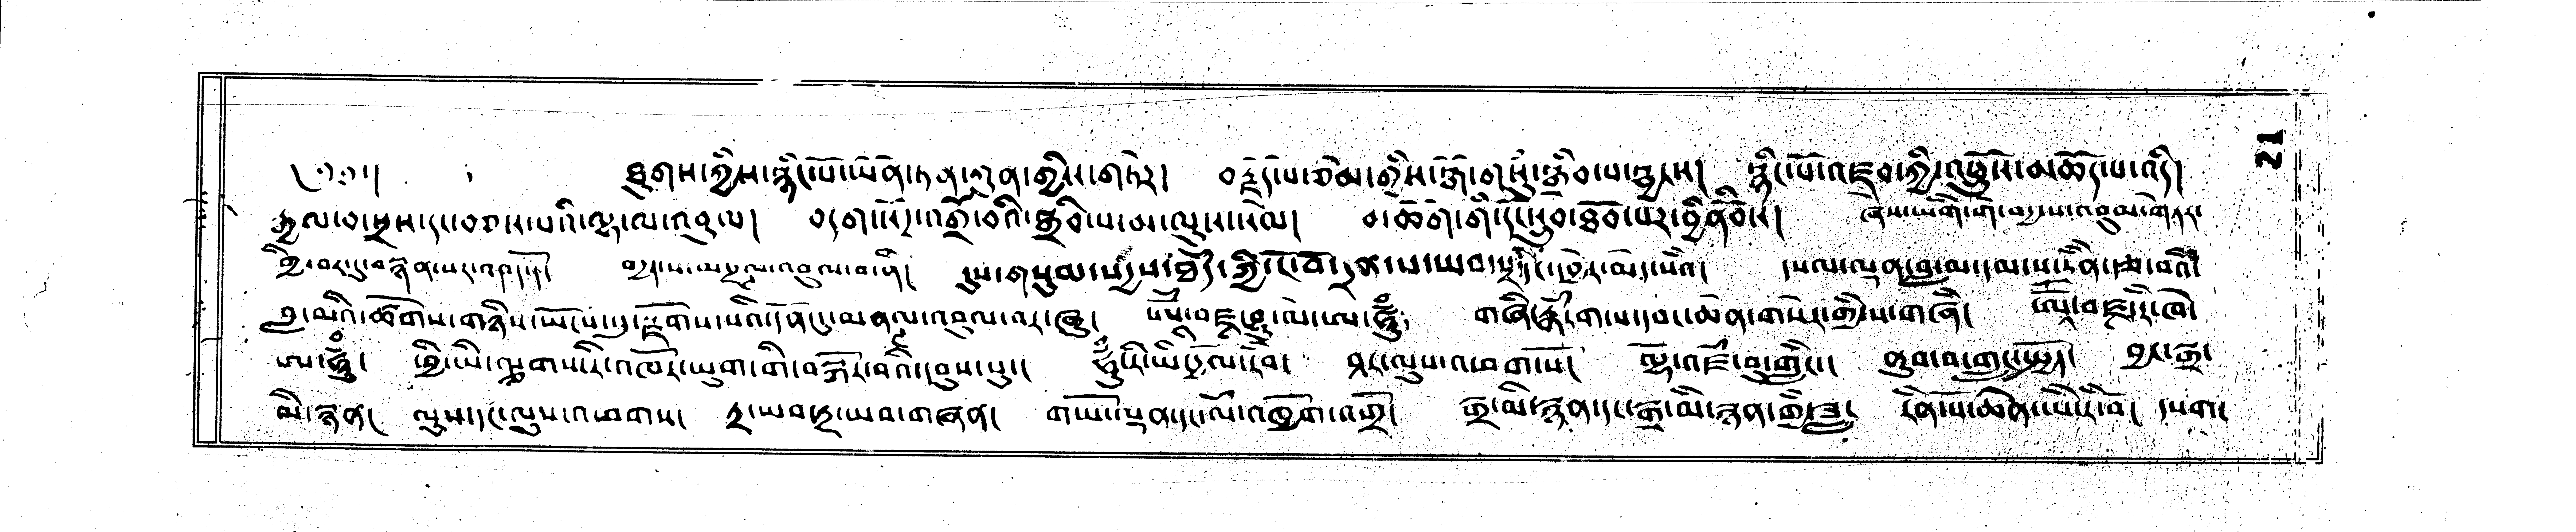ཐུགས་ཀྱི་སྙིང་པོ་ཡོན་ཏན་ཀུན་གྱི་གཏེར། །བརྗོད་པ་ཙམ་གྱིས་སྒོ་གསུམ་སྒྲིབ་པ་སྦྱངས། །སྙིང་པོ་འཛབ་ཀྱི་འཕྲོ་འདུའི་མཆོད་པ་འདི། །
རྒྱལ་བ་སྲས་དང་བཅས་པའི་ལྷ་ལ་འབུལ། །བདག་སོགས་འགྲོ་བའི་སྒྲིབ་པ་མ་ལུས་སེལ། །མཆོག་གི་དངོས་གྲུབ་ཐོབ་པར་བྱིན་གྱིས་རློབས། །ཞེས་ཡི་གེ་བརྒྱ་པ་འབུམ་གཏེར་
གྱི་བར་དུ་བསྙེན་པར་འབད་དོ། །བརྒྱད་པ་མཎྜལ་འབུལ་བ་ནི། དུས་གསུམ་སངས་རྒྱས་ཐམས་ཅད་ཀྱི་ངོ་བོ་དྲན་པ་ཡབ་སྲས་དང་དབྱེར་མེད་པའི། དཔལ་ལྡན་བླ་མ་དམ་པ་དྲིན་ཅན་རྩ་བའི་
བླ་མའི་ཚོགས་གཉིས་ཡོངས་སུ་རྫོགས་པའི་དོན་དུ་མཎྜལ་འབུལ་བར་ཞུ། །ཨཱོྂ་བཛྲ་བྷུ་མི་ཨ་ཧཱུཾ། གཞི་རྣམ་པར་དག་པ་དབང་ཆེན་གསེར་གྱི་ས་གཞི། ཨཱོྂ་བཛྲ་རི་ཁེ་
ཨ་ཧཱུཾ། ཕྱི་ཡི་ལྩགས་རི་ཁོར་ཡུག་གིས་བསྐོར་བའི་དབུས་སུ། ཧཱུཾ་རི་ཡི་རྒྱལ་པོ་རི་རབ། ཤར་ལུས་འཕགས་པོ། ལྷོ་འཛམ་བུ་གླིང་། ནུབ་བ་ལང་སྤྱོད། བྱང་སྒྲ་
མི་སྙན། ལུས་དང་ལུས་འཕགས། རྔ་ཡབ་དང་རྔ་ཡབ་གཞན། གཡོ་ལྡན་དང་ལམ་འཁྱོག་འགྲོ། སྒྲ་མི་སྙན་དང་སྒྲ་མི་སྙན་གྱི་ཟླ། རིན་པོ་ཆེ་ཡི་རི་བོ། དཔག་